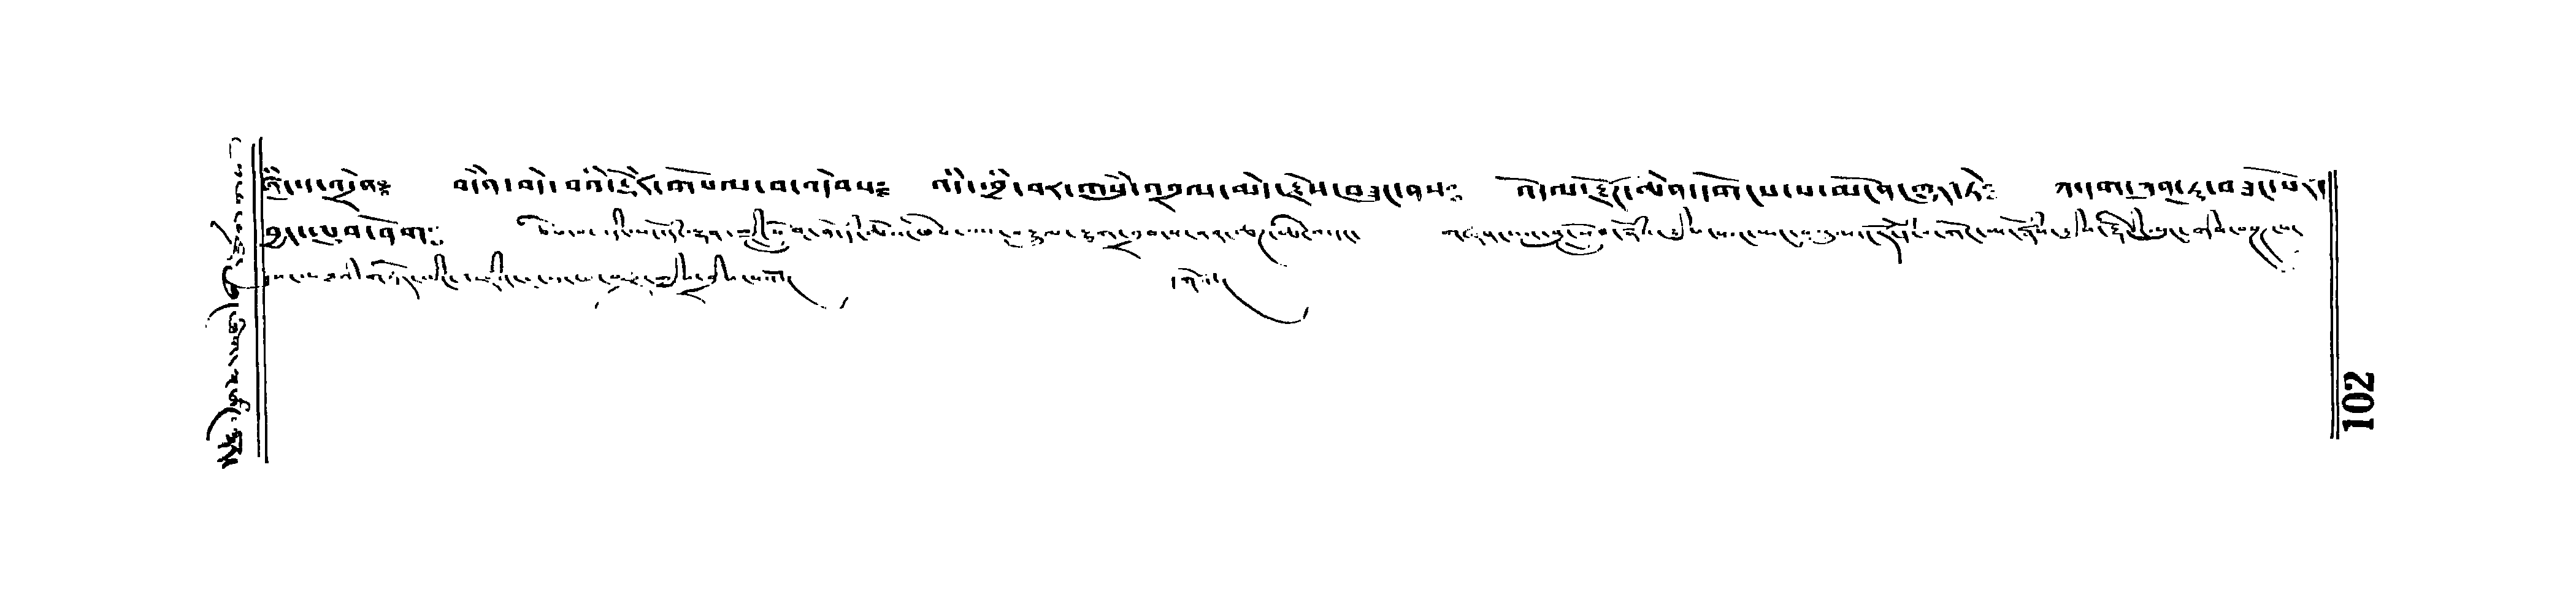ཞིང་དུ་འདྲེན༔ བདེ་ཆེན་བདེ་བའི་རྡོ་རྗེར་གསོལ་བ་འདེབས༔ འདི་ཕྱི་བར་གསུམ་འབྲལ་མེད་རྗེས་བཟུང་ནས༔ འོད་གསལ་རྫོགས་ཆེན་དགོངས་པ་མངོན་གྱུར་ཏེ༔ ཀ་དག་ཀུན་ཏུ་བཟང་པོར་
བྱང་ཆུབ་ཤོག༔ ཅེས་པ་འདི་ཡང་དམ་ལྷན་གྱི་སློབ་བུ་དམ་ཆོས་འཕཻལ་པས་བསྐུལ་ལྕག་བྲབ་པ་ནན་ཆགས་ཆེ་བ་དང་། གཞན་ཡང་བུ་སློབ་རྣམས་ཀྱིས་ཡང་ཡང་བསྐུལ་ངོར་དམ་པ་གོང་མ་རྣམས་ཀྱིས་རྡོ་རྗེའི་ལུང་གིས་བསྔགས་པ་
དུས་མཐའི་གཏེར་མིང་འཛིན་པ་སུ་ཁ་བཛྲ་གྱིས་བྲིས་པའོ།།